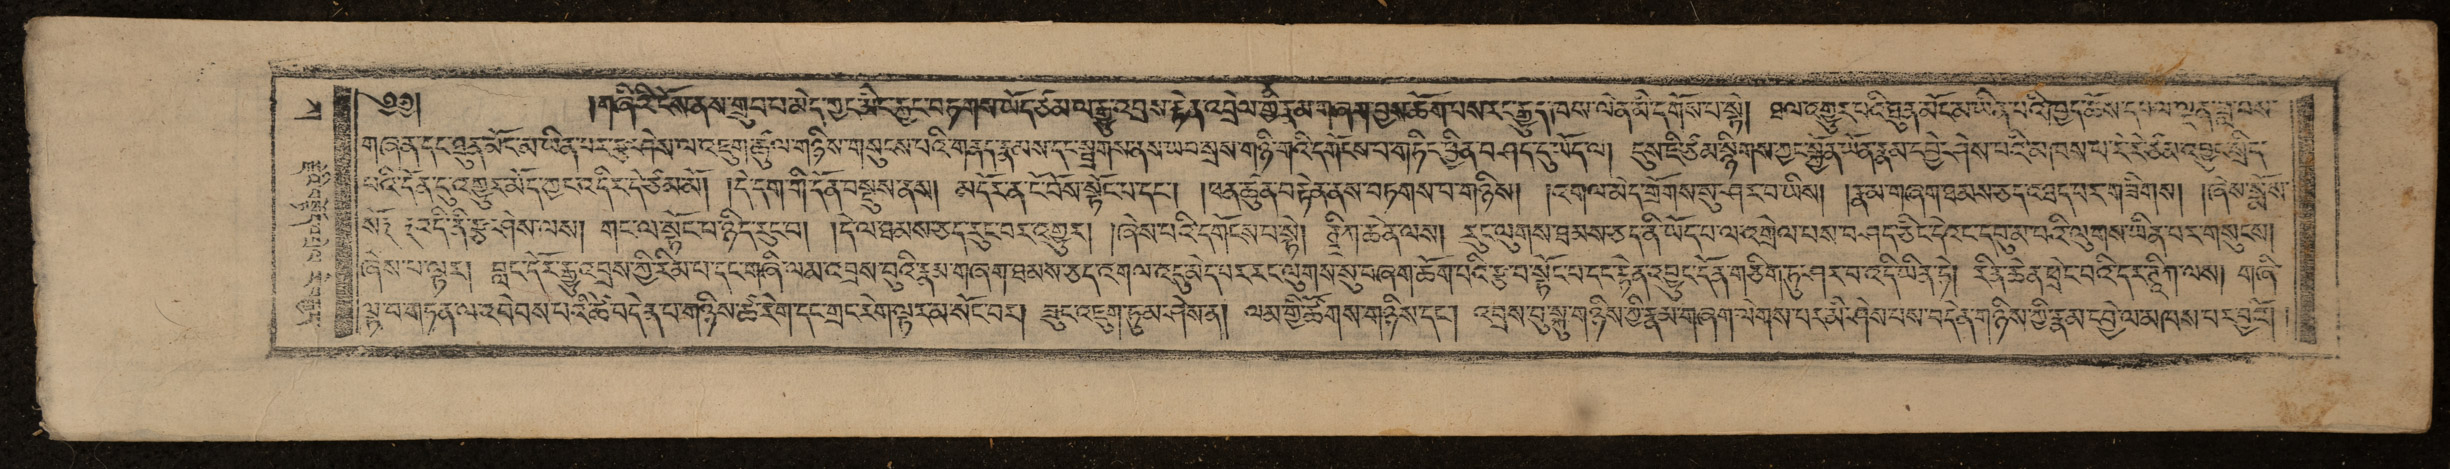༄༅། །གཞིའི་ངོས་ནས་གྲུབ་བ་མེད་ཀྱང་མིང་རྐྱང་བཏགས་ཡོད་ཙམ་ལ་རྒྱུ་འབྲས་རྟེན་འབྲེལ་གྱི་རྣམ་གཞག་བྱས་ཆོག་པས་རང་རྒྱུད་ཁས་ལེན་མི་དགོས་པ་སྟེ། ཐལ་འགྱུར་བའི་ཐུན་མོང་མ་ཡིན་པའི་ཁྱད་ཆོས་དཔལ་ལྡན་ཟླ་བས་
གཞན་དང་ཐུན་མོང་མ་ཡིན་པར་རྩ་ཤེས་ལ་འཇུག་ཚུལ་གཉིས་གསུངས་པའི་གནད་རྣམས་དང་སྦྲགས་ནས་ཡབ་སྲས་གཉི་གའི་དགོངས་པ་གཏིང་ཕྱིན་བཤད་དུ་ཡོད་ལ། དུས་ཇི་ཙམ་སྙིགས་ཀྱང་སྐྱོན་ཡོན་རྣམ་དབྱེ་ཤེས་པའི་མཁས་པ་རེ་རེ་ཙམ་འབྱུང་སྲིད་
པའི་དོན་དུ་འགྱུར་མོད་ཀྱང་འདིར་དེ་ཙམ་མོ། །དེ་དག་གི་དོན་བསྡུས་ནས། མདོར་ན་ངོ་བོས་སྟོང་པ་དང་། །ཕན་ཚུན་བརྟེན་ནས་བདགས་པ་གཉིས། །འགལ་མེད་གྲོགས་སུ་ཤར་པ་ཡིས། །རྣམ་གཞག་ཐམས་ཅད་འཐད་པར་གཟིགས། །ཞེས་སྨོས་
སོ༑ ༑འདི་ནི་རྩ་ཤེས་ལས། གང་ལ་སྟོང་པ་ཉིད་རུང་བ། །དེ་ལ་ཐམས་ཅད་རུང་བར་འགྱུར། །ཞེས་པའི་དགོངས་པ་སྟེ། ཊཱིཀ་ཆེན་ལས། རུང་ལུགས་ཐམས་ཅད་ནི་ཡོད་པ་ལ་འགྲེལ་པས་བཤད་ཅིང་དེའང་དབུམ་པའི་ལུགས་ཡིན་པར་གསུངས།
ཞེས་པ་ལྟར། བླང་དོར་རྒྱུ་འབྲས་ཀྱི་རིམ་པ་དང་གཞི་ལམ་འབྲས་བུའི་རྣམ་གཞག་ཐམས་ཅད་འགལ་འདུ་མེད་པར་རང་ལུགས་སུ་བཞག་ཆོག་པའི་རྩ་བ་སྟོང་བ་དང་རྟེན་འབྱུང་དོན་གཅིག་ཏུ་ཤར་བ་འདི་ཡིན་ཏེ། རིན་ཆེན་ཕྲེང་བའི་དར་ཊཱིཀ་ལས། གཞི་
ལྟ་བ་གཏན་ལ་འབེབས་པའི་ཚེ་བདེན་པ་གཉིས་ཚ་རེག་དང་གྲང་རེག་ལྟར་མ་སོང་བར། ཟུང་འཇུག་ཏུ་མ་ཤེས་ན། ལམ་གྱི་ཚོགས་གཉིས་དང་། འབྲས་བུ་སྐུ་གཉིས་ཀྱི་རྣམ་གཞག་ལེགས་པར་མི་ཤེས་པས་བདེན་གཉིས་ཀྱི་རྣམ་དབྱེ་ལ་མཁས་པར་བྱའོ།།